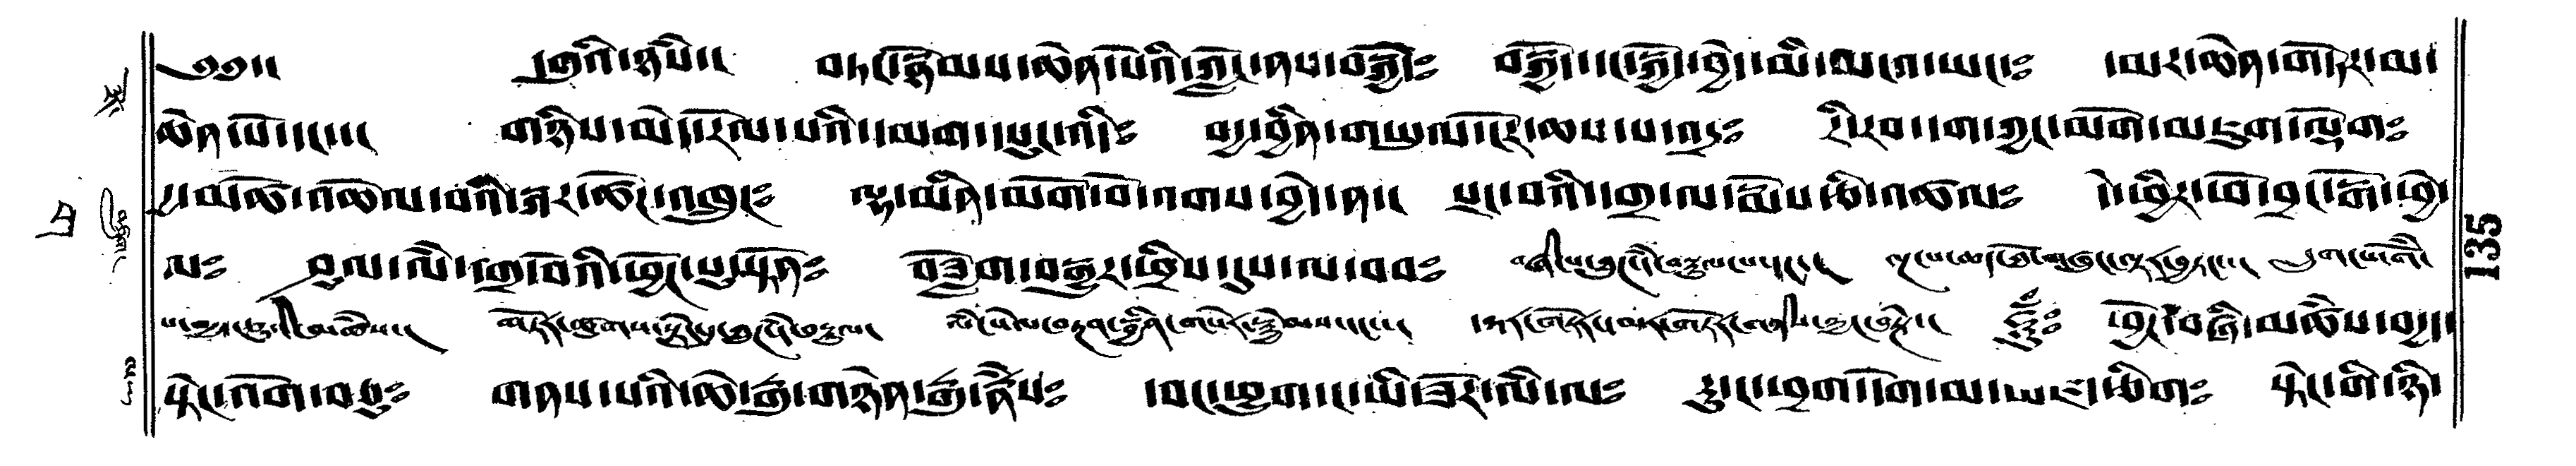དགུའི་ཉམས༔ བཏང་སྙོམས་ཆེན་པོའི་ཀློང་ནས་སྐྱོད༔ སྐྱོད་དང་སྐྱོད་བྱེད་མི་མངའ་ཡང༔ དམར་ཆེན་གཏོར་མ་
ཆེན་པོ་དང༔ གཉིས་མེད་རོལ་པའི་དམག་དཔུང་འདི༔ བརྒྱ་བྱིན་གཡུལ་ངོར་ཆས་པ་འདྲ༔ རི་རབ་དག་ཀྱང་མགོ་མཇུག་ལྡོག༔ 
རྒྱ་མཚོ་འཆོལ་བའི་སྐར་ཚོགས་འཁྲུགས༔ ལྷ་མིན་མགོ་བོ་འགས་བྱེད་ན༔ སྡང་བའི་དགྲ་ལ་སྨོས་ཅི་འཚལ༔ དེ་ཕྱིར་ཕོ་བྲང་སྒོ་ཕྱེས་
ལ༔ ཤུལ་ལ་མ་དགྲ་བོའི་ཕྱོགས་སུ་སྟོན༔ ཟློག་སྒྱུར་ཕྲིན་ལས་དུས་ལ་བབ༔ བཞི་པ་ཐུགས་དམ་སྐུལ་པ་དང་། །ལྔ་པ་ཆད་ཐོ་གཞུང་ལྟར་གཏོང་། །དྲུག་པ་གོམ་
པ་བརྒྱད་ཅུའི་མཚམས། གཏོར་ཚུགས་སྟེང་དུ་ཐུགས་དམ་སྐུལ། །ལམ་སེལ་བརྔན་སྦྱིན་གསེར་སྐྱེམས་དང་། །དཀར་གཏོར་དམར་གཏོར་གཉིས་ཀྱང་བཏེགས། ཧཱུྃ༔ ཕྱོགས་བཞི་མཚམས་བརྒྱད་
སྟེང་འོག་བཅུར༔ གནས་པའི་ཆེ་རྒུ་གཉེན་རྒུ་རྣམས༔ དབང་ཕྱུག་ང་ཡི་ཟོར་ལམ་ལ༔ རུ་ང་ཕྲག་དོག་མ་མཛད་ཅིག༔ སྟེང་གི་ཉི་